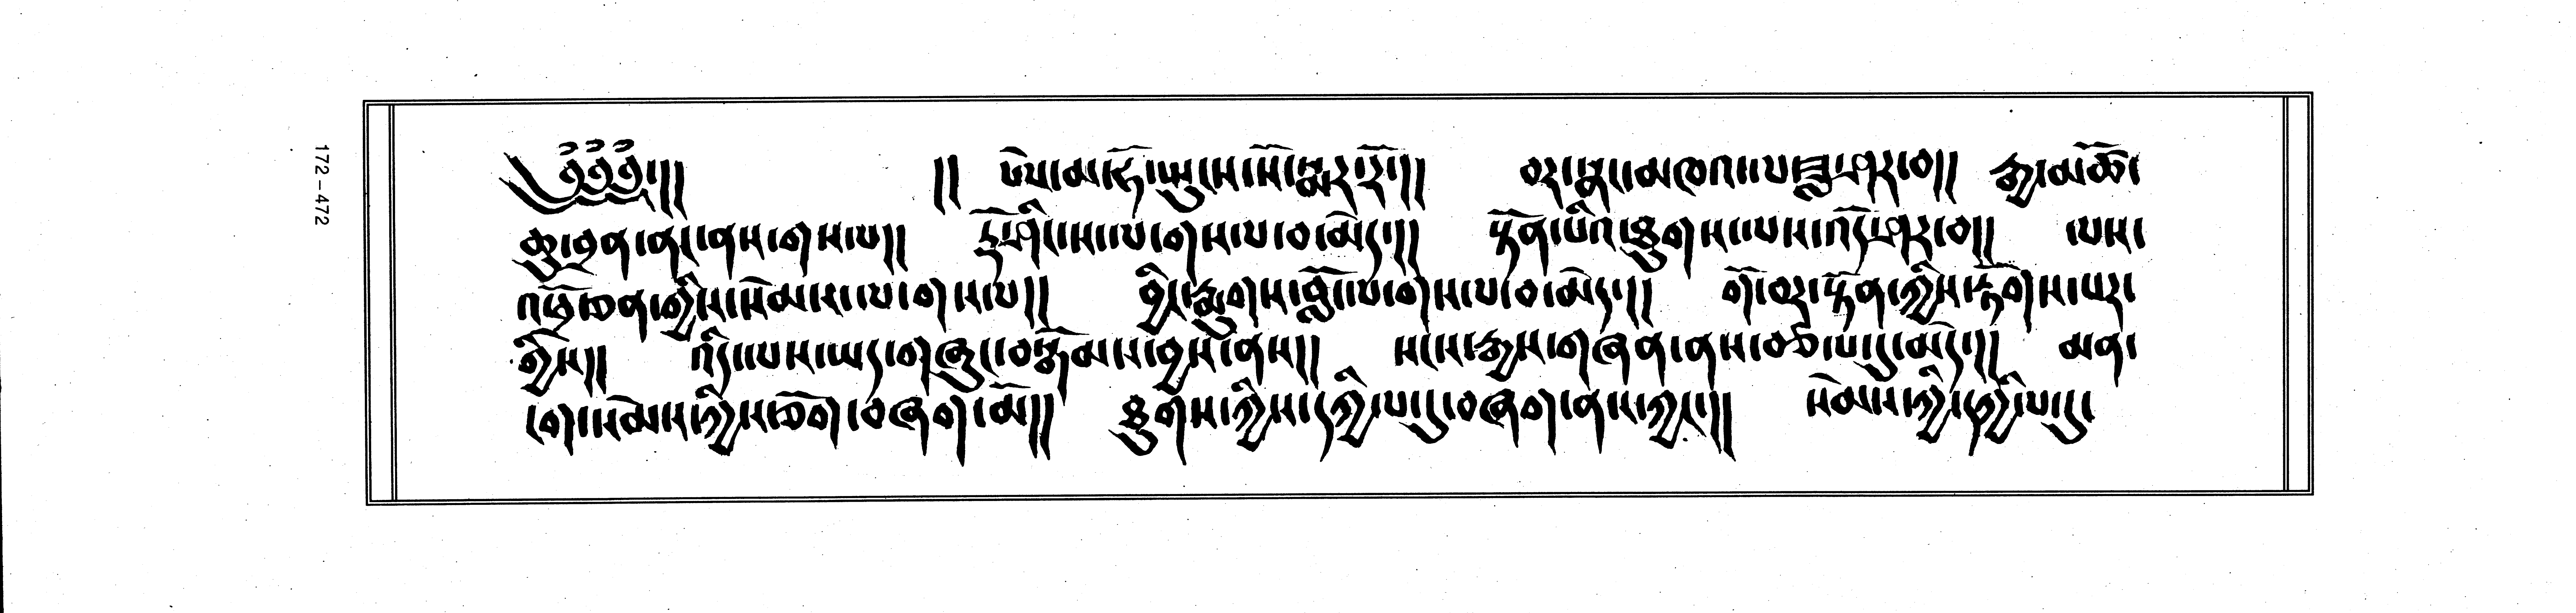༄༅༅།། །།ཨེ་མ་ཧོ་སྤུངས་སོ་སྨར་རོ། བར་སྣང་མཁའ་ལ་ཟླ་ཤར་བ། རྒྱ་མཚོ་
ཆུ་བྲན་ནང་ནས་གསལ། རྡོ་ཤིང་ས་ལ་གསལ་བ་མེད། སྟོན་པའི་ཐུགས་ལས་འོད་ཤར་བ། ལས་
འཕྲོ་ཅན་གྱིས་སེམས་ལ་གསལ། བྱིང་རྨུགས་བློ་ལ་གསལ་བ་མེད། གོ་བར་སྟོན་ཀྱིས་རྟོགས་པར་
གྱིས། འདི་ལས་ཡིད་གཞུང་བསྒོམས་བྱས་ནས། སངས་རྒྱས་གཞན་ནས་བཙལ་དུ་མེད། མན་
ངག་སེམས་ཀྱིས་ཅོག་བཞག་མོ། ཐུགས་ཀྱིས་དཀྱིལ་དུ་བཞག་ནས་ཀྱང་། སེམས་ཀྱི་དཀྱིལ་དུ་